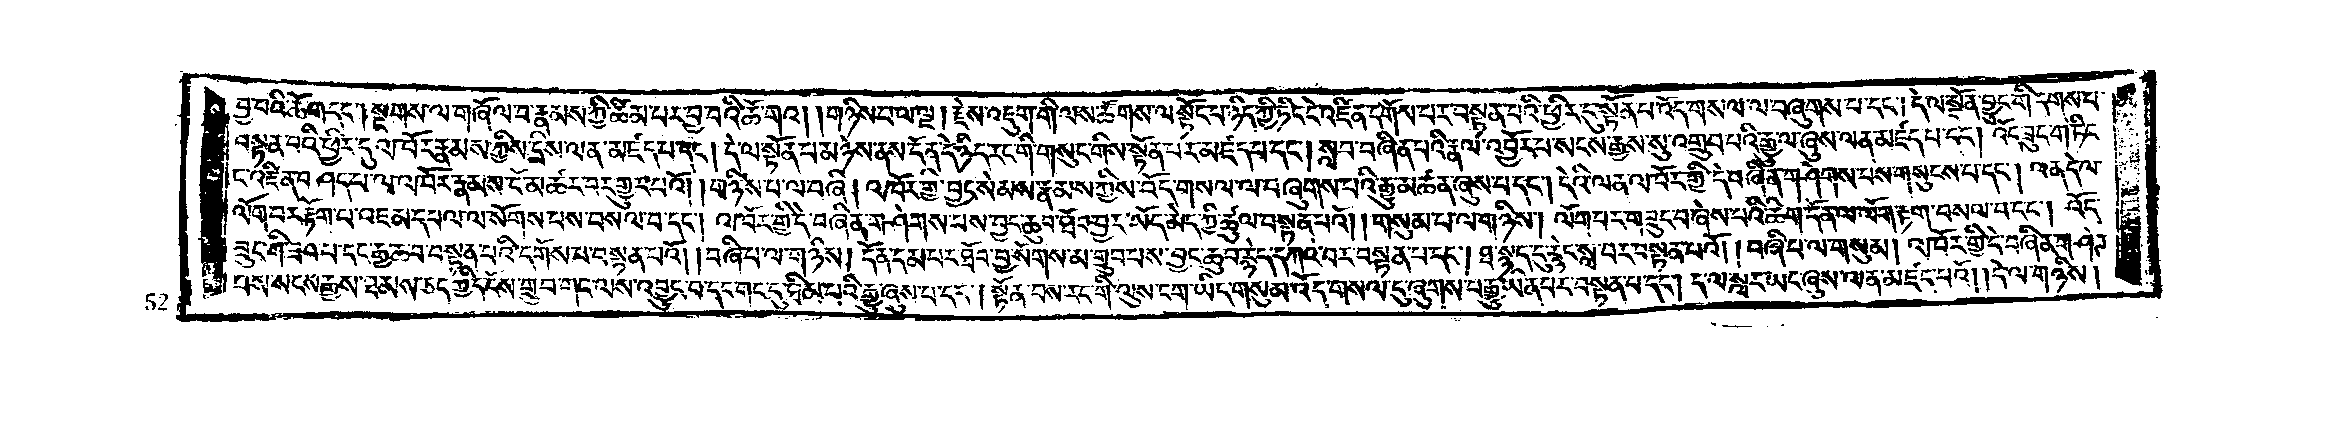བྱ་བའི་ཆོ་ག་དང་། སྔགས་ལ་གཞོལ་བ་རྣམས་ཀྱི་ཚིམ་པར་བྱ་བའི་ཆོ་གའོ། །གཉིས་པ་ལ་ལྔ། རྗེས་འཇུག་གི་ལས་ཚོགས་ལ་སྟོང་པ་ཉིད་ཀྱི་ཏིང་ངེ་འཛིན་དགོས་པར་བསྟན་པའི་ཕྱིར་དུ་སྟོན་པ་འོད་གསལ་ལ་བཞུགས་པ་དང་། དེ་ལ་སྔོན་བྱུང་གི་དགོས་པ་
བསྟན་པའི་ཕྱིར་དུ་འཁོར་རྣམས་ཀྱིས་དྲིས་ལན་མཛད་པ་དང་། དེ་ལ་སྟོན་པ་མཉེས་ནས་དོན་དེ་ཉིད་རང་གི་གསུང་གིས་སྟོན་པར་མཛད་པ་དང་། སླབ་བཞིན་པའི་རྣལ་འབྱོར་པ་སངས་རྒྱས་སུ་འགྲུབ་པའི་རྒྱུ་ལ་ཞུས་ལན་མཛད་པ་དང་། འོད་ཟུང་གི་ཏིང་
ངེ་འཛིན་བཤད་པ་ལ་འཁོར་རྣམས་ངོ་མཚར་བར་གྱུར་པའོ། །གཉིས་པ་ལ་བཞི། འཁོར་གྱི་བྱང་སེམས་རྣམས་ཀྱིས་འོད་གསལ་ལ་བཞུགས་པའི་རྒྱུ་མཚན་ཞུས་པ་དང་། དེའི་ལན་འཁོར་གྱི་དེ་བཞིན་གཤེགས་པས་གསུངས་པ་དང་། ལན་དེ་ལ་
ལོག་པར་རྟོག་པ་འཇམ་དཔལ་ལ་སོགས་པས་བསལ་བ་དང་། འཁོར་གྱི་དེ་བཞིན་གཤེགས་པས་བྱང་ཆུབ་ཐོབ་བྱར་ཡོད་མེད་ཀྱི་ཚུལ་བསྟན་པའོ། །གསུམ་པ་ལ་གཉིས། ལོག་པར་གཟུང་བ་ཞེས་པའི་ཚིག་དོན་ལ་ལོག་རྟོག་བསལ་བ་དང་། འོད་
ཟུང་གི་ཟབ་པ་དང་རྒྱ་ཆེ་བ་བསྟན་པའི་དགོས་པ་བསྟན་པའོ། །བཞི་པ་ལ་གཉིས། དོན་དམ་པར་ཐོབ་བྱ་སོགས་མ་གྲུབ་པས་བྱང་ཆུབ་རྙེད་དཀའ་བར་བསྟན་པ་དང་། ཐ་སྙད་དུ་རྙེད་སླ་བར་བསྟན་པའོ། །བཞི་པ་ལ་གསུམ། འཁོར་གྱི་དེ་བཞིན་གཤེགས་
པས་སངས་རྒྱས་ཐམས་ཅད་ཀྱི་དངོས་གྲུབ་གང་ལས་འབྱུང་བ་དང་གང་དུ་ཐིམ་པའི་རྒྱུ་ཞུས་པ་དང་། སྟོན་པས་རང་གི་ལུས་ངག་ཡིད་གསུམ་འོད་གསལ་དུ་ཞུགས་པ་རྒྱུ་ཡིན་པར་བསྟན་པ་དང་། དེ་ལ་སླར་ཡང་ཞུས་ལན་མཛད་པའོ། །དེ་ལ་གཉིས།